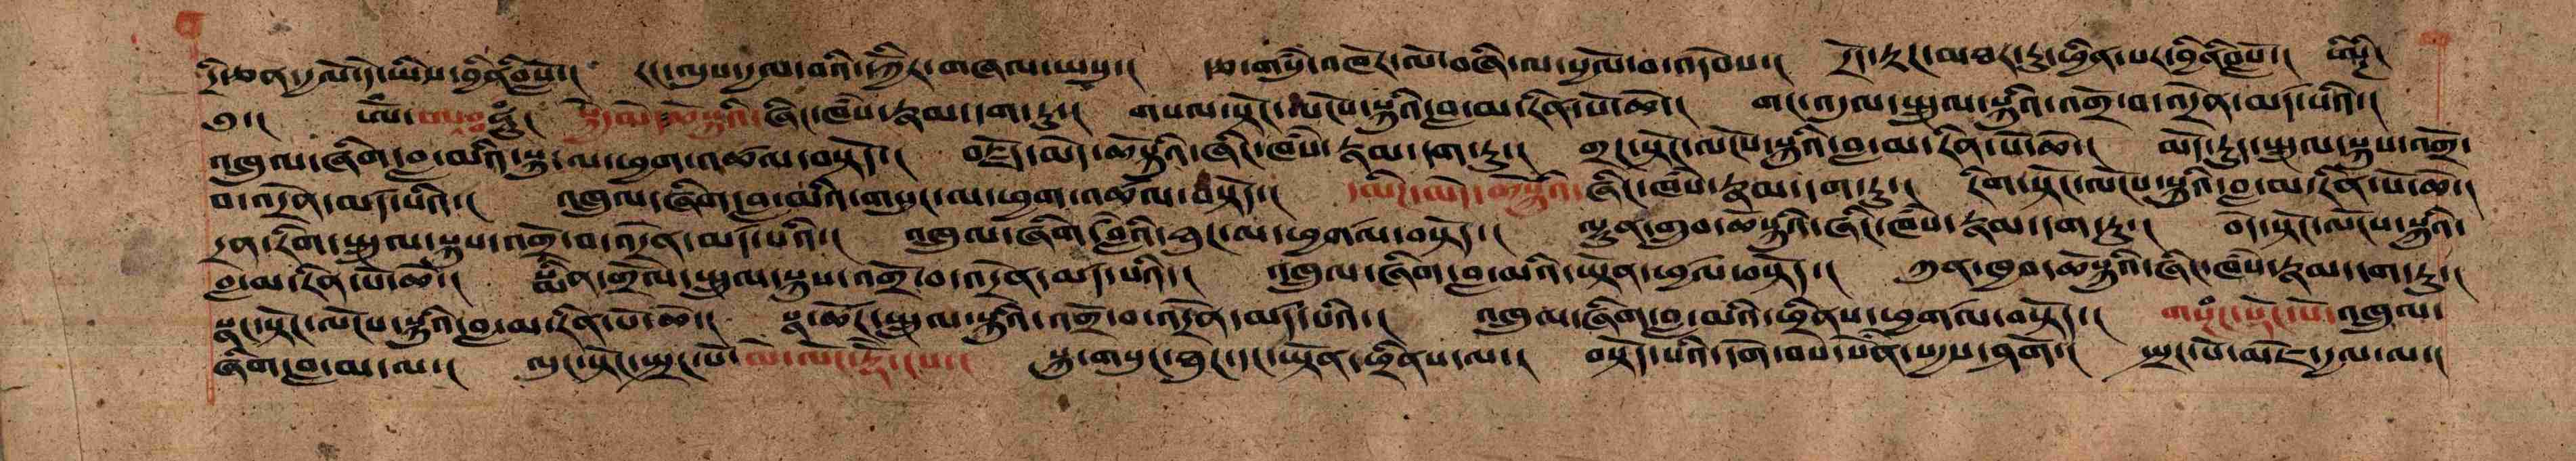དྲི་ཆེན་རྒྱལ་པོ་དེ་ཡིས་བྱིན་གྱིས་བརློབས། རང་ལུས་རྒྱལ་བའི་དཀྱིལ་འཁོར་གཞལ་ཡས་སུ། རྩ་གསུམ་འཁོར་ལོ་བཞི་ལ་གསོལ་བ་འདེབས། དྲོད་རྟགས་མཐར་རུ་ཕྱིན་པར་བྱིན་གྱིས་བརློབས། ཨིཊི།
༄་། ཨོཾ་ཨཿཧཱུཾ། སྐྱེ་མེད་ཆོས་སྐུའི་ཞིང་ཁམས་རྣམ་དག་ཏུ། གསལ་སྟོང་ལོངས་སྐུའི་བླ་མ་རིན་པོ་ཆེ། གང་འདུལ་སྤྲུལ་སྐུའི་འགྲོ་བ་འདྲེན་མཛད་པའི། 
འཁྲུལ་ཞིག་བླ་མའི་སྐུ་ལ་ཕྱག་འཚལ་བསྟོད། བརྗོད་མེད་ཆོས་སྐུའི་ཞིང་ཁམས་རྣམ་དག་ཏུ། གྲགས་སྟོང་ལོངས་སྐུའི་བླ་མ་རིན་པོ་ཆེ། མདོ་རྒྱུད་སྤྲུལ་སྐུས་འགྲོ་
བ་འདྲེན་མཛད་པའི། འཁྲུལ་ཞིག་བླ་མའི་གསུང་ལ་ཕྱག་འཚལ་བསྟོད། དམིགས་མེད་ཆོས་སྐུའི་ཞིང་ཁམས་རྣམ་དག་ཏུ། རིག་སྟོང་ལོངས་སྐུའི་བླ་མ་རིན་པོ་ཆེ། 
དྲན་རིག་སྤྲུལ་སྐུས་འགྲོ་བ་འདྲེན་མཛད་པའི། འཁྲུལ་ཞིག་བླ་མའི་ཐུགས་ལ་ཕྱག་འཚལ་བསྟོད། ལྷུན་གྲུབ་ཆོས་སྐུའི་ཞིང་ཁམས་རྣམ་དག་ཏུ། བདེ་སྟོང་ལོངས་སྐུའི་
བླ་མ་རིན་པོ་ཆེ། སྨིན་གྲོལ་སྤྲུལ་སྐུས་འགྲོ་བ་འདྲེན་མཛད་པའི། འཁྲུལ་ཞིག་བླ་མའི་ཡོན་ཏན་ཕྱག་འཚལ་བསྟོད། ཀུན་ཁྱབ་ཆོས་སྐུའི་ཞིང་ཁམས་རྣམ་དག་ཏུ། 
སྣང་སྟོང་ལོངས་སྐུའི་བླ་མ་རིན་པོ་ཆེ། སྣ་ཚོགས་སྤྲུལ་སྐུའི་འགྲོ་བ་འདྲེན་མཛད་པའི། འཁྲུལ་ཞིག་བླ་མའི་ཕྲིན་ལས་ཕྱག་འཚལ་བསྟོད། གསང་སྔགས་སྡོང་པོ་འཁྲུལ་
ཞིག་བླ་མ་ལ། ལུང་སྟོང་སྤྲང་པོ་མེ་ལོང་རྡོ་རྗེ་ངས། སྐུ་གསུང་ཐུགས་དང་ཡོན་ཏན་ཕྲིན་ལས་ལ། བསྟོད་པའི་དགེ་བས་སེམས་ཅན་སངས་རྒྱས་ཤོག། སྤྲང་པོ་མཇེ་རྒྱལ་ལ་